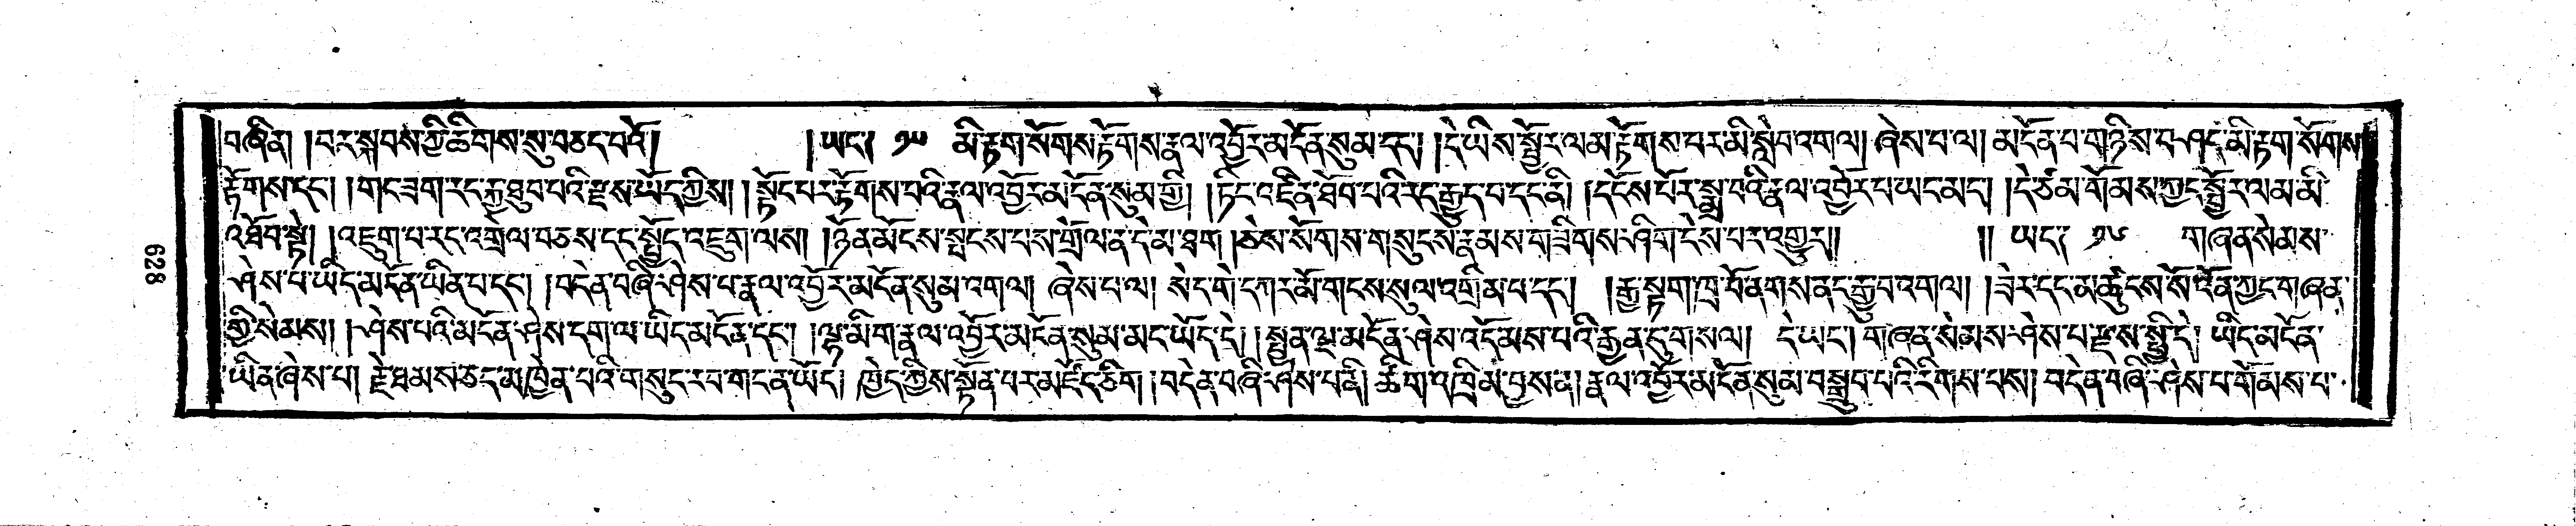བཞིན། །བར་སྐབས་ཀྱི་ཚིགས་སུ་བཅད་པའོ།། །།ཡང༑ ༡༥་མི་རྟག་སོགས་རྟོགས་རྣལ་འབྱོར་མངོན་སུམ་དང་། །དེ་ཡིས་སྦྱོར་ལམ་རྟོགས་པར་མི་སླེབ་འགལ། ཞེས་པ་ལ། མངོན་པ་གཉིས་བཤད་མི་རྟག་སོགས་
རྟོགས་དང་། །གང་ཟག་རང་རྐྱ་ཐུབ་པའི་རྫས་ཡོད་ཀྱིས། །སྟོང་པར་རྟོགས་པའི་རྣལ་འབྱོར་མངོན་སུམ་གྱི། །ཏིང་འཛིན་ཐོབ་པའི་རང་རྒྱུད་པ་དང་ནི། །དངོས་པོར་སྨྲ་བའི་རྣལ་འབྱོར་བ་ཡང་མང་། །དེ་ཙམ་གོམས་ཀྱང་སྦྱོར་ལམ་མི་
འཐོབ་སྟེ། །འཇུག་པ་རང་འགྲེལ་བཅས་དང་སྤྱོད་འཇུག་ལས། །ཉོན་མོངས་སྤངས་པས་གྲོལ་ན་དེ་མ་ཐག །ཅེས་སོགས་གསུངས་རྣམས་གཟིགས་ཤིག་ངེས་པར་འགྱུར།། །།ཡང༑ ༡༦་གཞན་སེམས་
ཤེས་པ་ཡིད་མངོན་ཡིན་པ་དང་། །བདེན་བཞི་ཤེས་པ་རྣལ་འབྱོར་མངོན་སུམ་འགལ། ཞེས་པ་ལ། སེང་གེ་དཀར་མོ་གངས་སུལ་འགྲིམ་པ་དང་། །རྒྱ་སྟག་ཁྲ་བོ་ནགས་ནང་རྒྱུ་བ་འགལ། །ཟེར་དང་མཚུངས་སོ་འོན་ཀྱང་གཞན་
གྱི་སེམས། །ཤེས་པའི་མངོན་ཤེས་དག་ལ་ཡིད་མངོན་དང་། །ལྷ་མིག་རྣལ་འབྱོར་མངོན་སུམ་མང་ཡོད་དེ། །སྤྱན་ལྔ་མངོན་ཤེས་འདོམས་པའི་རྒྱན་དུ་གསལ། དེ་ཡང་། གཞན་སེམས་ཤེས་པ་རྫས་སྤྱི་དེ། ཡིད་མངོན་
ཡིན་ཞེས་པ། རྗེ་ཐམས་ཅད་མཁྱེན་པའི་གསུང་རབ་གང་ན་ཡོད། ཁྱེད་ཀྱིས་སྟོན་པར་མཛོད་ཅིག །བདེན་བཞི་ཤེས་པ་ནི། ཚིག་འཁྲི་མ་བྱས་ན། རྣལ་འབྱོར་མངོན་སུམ་བསྒྲུབ་པའི་རིགས་པས། བདེན་བཞི་ཤེས་པ་གོམས་པ་